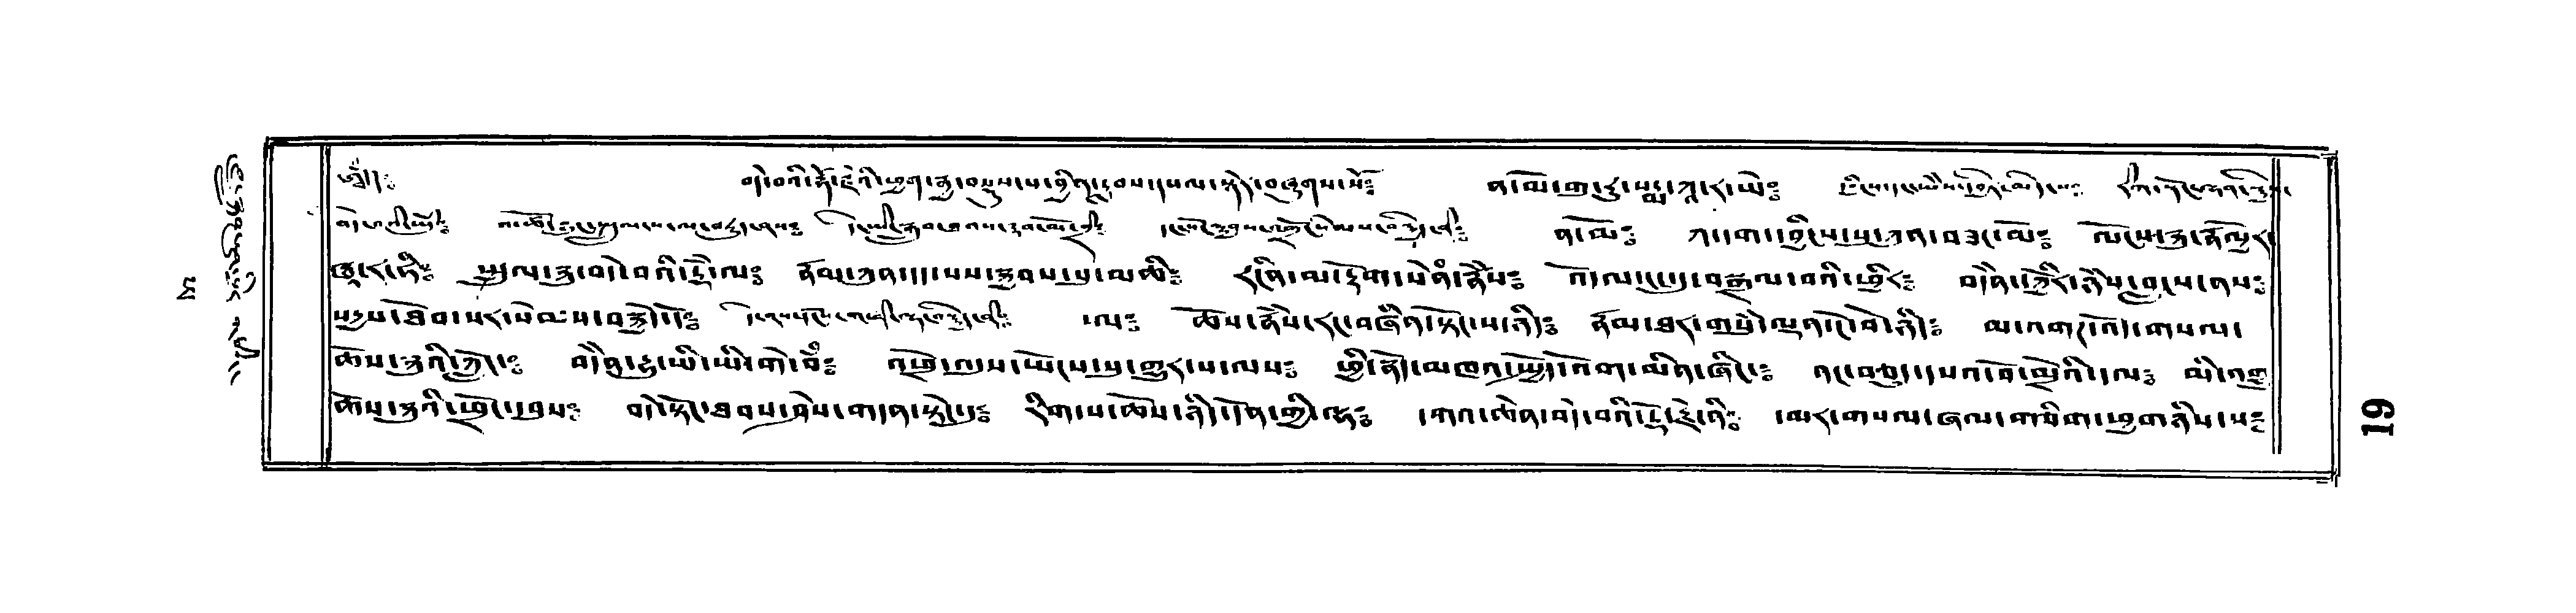བདེ་བའི་རྡོ་རྗེའི་ཕྱག་རྒྱ་བསྡུས་པ་བྱིན་རླབས་དཔལ་སྟེར་བཞུགས་སོ༔ ན་མོ་གུ་རུ་པདྨ་ཀཱ་ར་ཡེ༔ དབྱིངས་དང་ཡེ་ཤེས་དབྱེར་མེད་པ༔ རིག་སྟོང་ལྷན་སྐྱེས་
བདེ་བའི་ཡུམ༔ མཚོ་བྱུང་སྤྲུལ་པ་ལ་བཏུད་ནས༔ དེ་ཡི་སྒྲུབ་ཐབས་ཟབ་མོ་བྲི༔ དང་པོ་སྐྱབས་འགྲོ་སེམས་བསྐྱེད་ནི༔ ན་མོ༔ ཀ་དག་དབྱིངས་སུ་ཀུན་བཟང་མོ༔ ལོངས་སྐུ་རྣལ་འབྱོར་
ཝཱ་ར་ཧི༔ སྤྲུལ་སྐུ་བདེ་བའི་རྡོ་རྗེ་ལ༔ རྣམ་ཀུན་དད་པས་སྐྱབས་སུ་མཆི༔ རང་བཞིན་མ་རྟོགས་སེམས་ཅན་རྣམས༔ འོད་གསལ་ངང་དུ་བསྒྲལ་བའི་ཕྱིར༔ བདེ་ཆེན་དཀྱིལ་འཁོར་ཉམས་བླངས་ནས༔ 
སངས་རྒྱས་ཐོབ་པར་སེམས་བསྐྱེད་དོ༔ དེ་ནས་དངོས་གཞི་ལྷ་བསྐྱེད་ནི༔ ཨཱཿ ཆོས་རྣམས་རང་བཞིན་སྟོང་པ་ཉིད༔ རྣམ་ཐར་གསུམ་ལྡན་ངོ་བོ་ཉིད༔ མ་འགགས་འོད་གསལ་
ཆོས་སྐུའི་ཀློང༔ བདེ་ཆེན་རྒྱུ་ཡི་ཡེ་གེ་བྃ༔ འཕྲོ་འདུས་ཡོངས་གྱུར་པ་ལས༔ ཕྱི་སྣོད་མཁའ་སྤྱོད་འོག་མིན་ཞིང༔ ནང་བཅུད་དཔའ་བོ་མཁའ་འགྲོའི་དལ༔ མི་འགྱུར་
ཆོས་སྐུའི་ཕོ་བྲང་དབུས༔ བདེ་སྟོང་ཐབས་ཤེས་གདན་སྟེང་དུ༔ རིག་པ་ཆོས་ཉིད་དོན་གྱི་ལྷ༔ དགའ་ཆེན་བདེ་བའི་རྡོ་རྗེ་ནི༔ དམར་གསལ་ཞལ་གཅིག་ཕྱག་གཉིས་པ༔